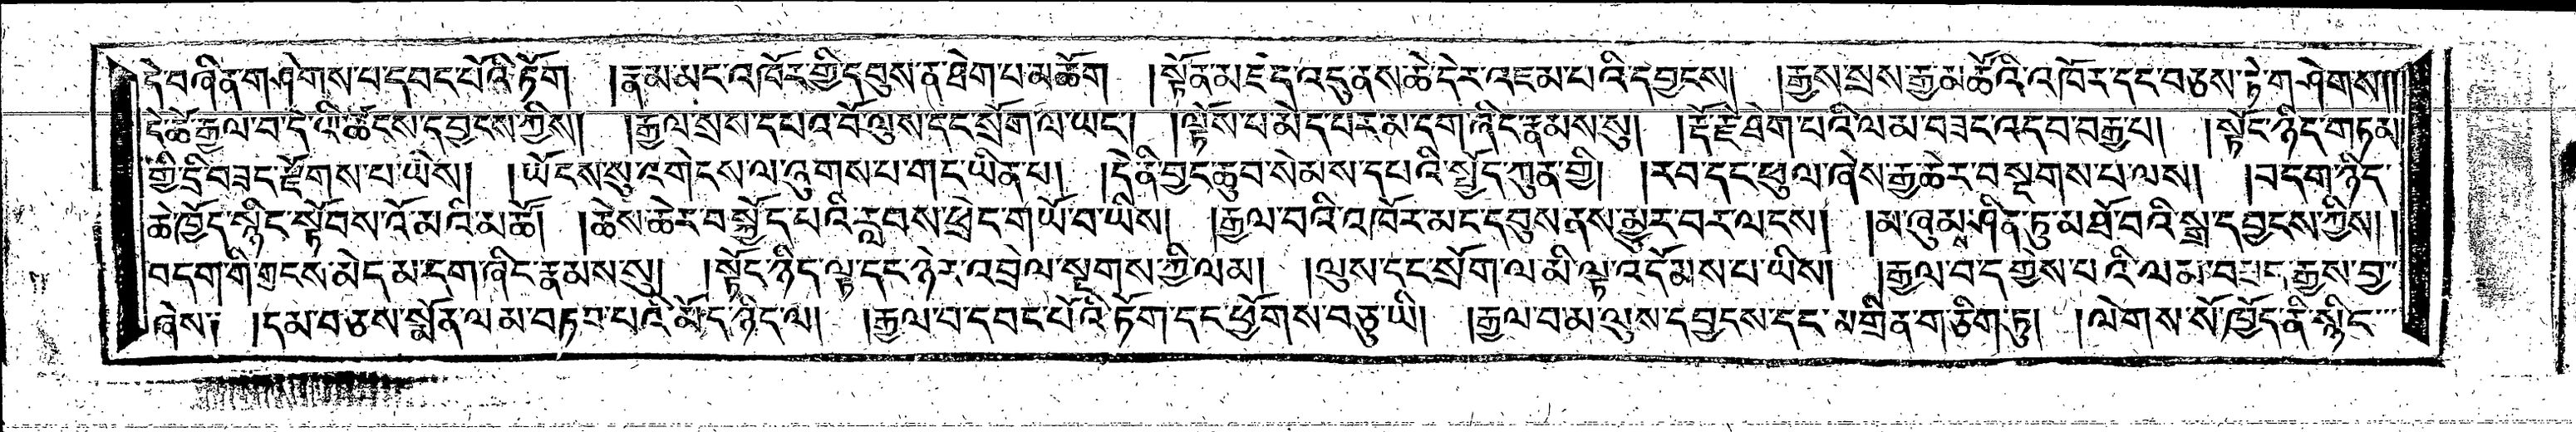དེ་བཞིན་གཤེགས་པ་དབང་པོའི་ཏོག །རྣམ་མང་འཁོར་གྱི་དབུས་ན་ཐེག་པ་མཆོག །སྟོན་མཛད་འདུ་ནས་ཆེ་དེར་འཇམ་པའི་དབྱངས། །རྒྱས་སྲས་རྒྱ་མཚོའི་འཁོར་དང་བཅས་ཏེ་གཤེགས། །
དེ་ཚེ་རྒྱལ་བ་དེའི་ཚངས་དབྱངས་ཀྱིས། །རྒྱལ་སྲས་དཔའ་བོ་ལུས་དང་སྲོག་ལ་ཡང་། །ལྟོས་པ་མེད་པར་མ་དག་ཞིང་རྣམས་སུ། །རྡོ་རྗེ་ཐེག་པའི་ལམ་བཟང་འདབ་བརྒྱ་པ། །སྟོང་ཉིད་གཏམ་
གྱི་དྲི་བཟང་རྫོགས་པ་ཡིས། །ཡོངས་སུ་འགེངས་ལ་ཞུགས་པ་གང་ཡིན་པ། །དེ་ནི་བྱང་ཆུབ་སེམས་དཔའི་སྤྱོད་ཀུན་གྱི། །རབ་དང་ཕུལ་ཞེས་རྒྱ་ཆེར་བསྔགས་པ་ལས། །བདག་ཉིད་
ཆེ་ཁྱོད་སྙིང་སྟོབས་འོ་མའི་མཚོ། །ཆེས་ཆེར་བསྐྱོད་པའི་རླབས་ཕྲེང་གཡོ་བ་ཡིས། །རྒྱལ་བའི་འཁོར་མང་དབུས་ནས་མྱུར་བར་ལངས། །མ་ཞུམས་ཤིན་ཏུ་མཐོ་བའི་སྒྲ་དབྱངས་ཀྱིས། །
བདག་གི་གྲངས་མེད་མ་དག་ཞིང་རྣམས་སུ། །སྟོང་ཉིད་ལྟ་དང་ཉེར་འབྲེལ་སྔགས་ཀྱི་ལམ། །ལུས་དང་སྲོག་ལ་མི་ལྟ་འདོམས་པ་ཡིས། །རྒྱལ་བ་དགྱེས་པའི་ལམ་བཟང་རྒྱས་བྱ་
ཞེས། །དམ་བཅས་སྨོན་ལམ་བཏབ་པའི་མོད་ཉིད་ལ། །རྒྱལ་བ་དབང་པོའི་ཏོག་དང་ཕྱོགས་བཅུ་ཡི། །རྒྱལ་བ་མ་ལུས་དབྱངས་དང་མགྲིན་གཅིག་ཏུ། །ལེགས་སོ་ཁྱོད་ནི་སྙིང་